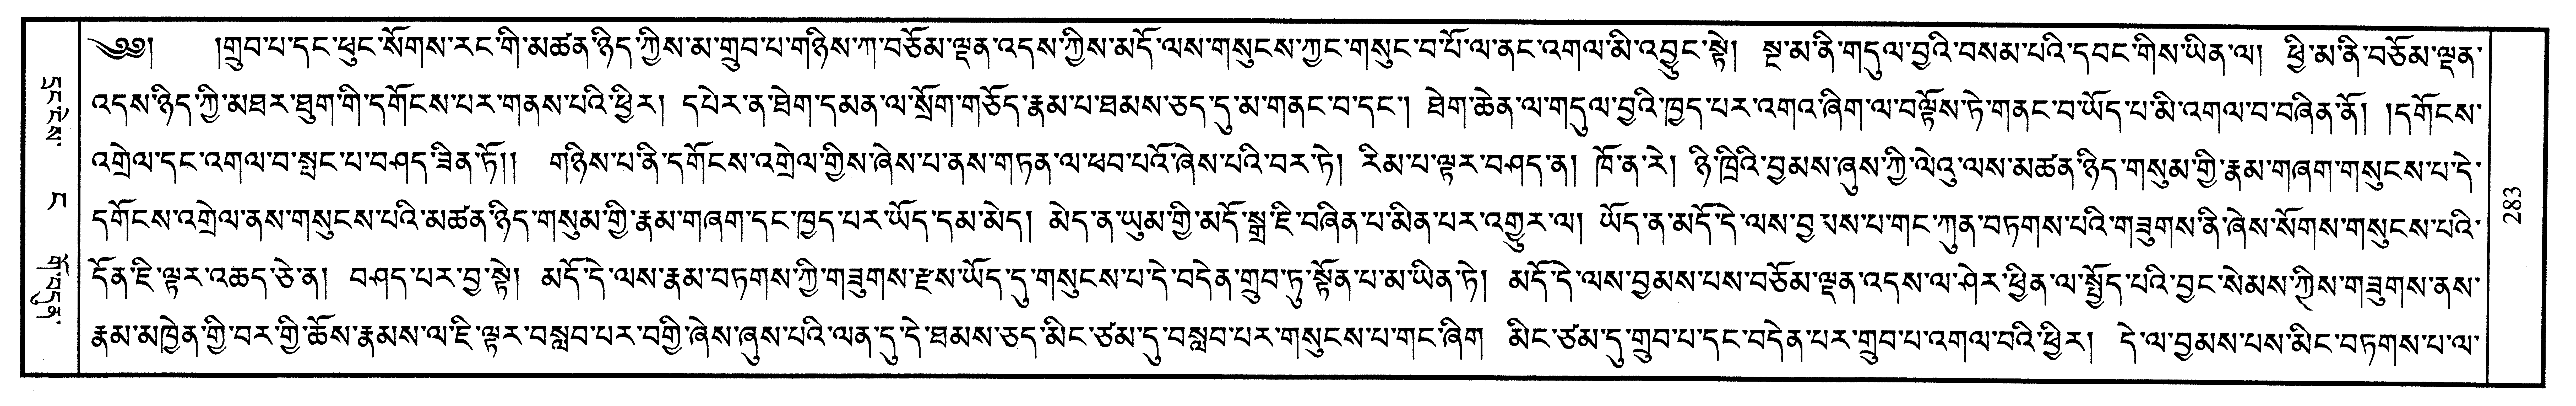༄༅། །གྲུབ་པ་དང་ཕུང་སོགས་རང་གི་མཚན་ཉིད་ཀྱིས་མ་གྲུབ་པ་གཉིས་ཀ་བཅོམ་ལྡན་འདས་ཀྱིས་མདོ་ལས་གསུངས་ཀྱང་གསུང་བ་པོ་ལ་ནང་འགལ་མི་འབྱུང་སྟེ། སྔ་མ་ནི་གདུལ་བྱའི་བསམ་པའི་དབང་གིས་ཡིན་ལ། ཕྱི་མ་ནི་བཅོམ་ལྡན་
འདས་ཉིད་ཀྱི་མཐར་ཐུག་གི་དགོངས་པར་གནས་པའི་ཕྱིར། དཔེར་ན་ཐེག་དམན་ལ་སྲོག་གཅོད་རྣམ་པ་ཐམས་ཅད་དུ་མ་གནང་བ་དང་། ཐེག་ཆེན་ལ་གདུལ་བྱའི་ཁྱད་པར་འགའ་ཞིག་ལ་བལྟོས་ཏེ་གནང་བ་ཡོད་པ་མི་འགལ་བ་བཞིན་ནོ། །དགོངས་
འགྲེལ་དང་འགལ་བ་སྤང་པ་བཤད་ཟིན་ཏོ།། གཉིས་པ་ནི་དགོངས་འགྲེལ་གྱིས་ཞེས་པ་ནས་གཏན་ལ་ཕབ་པའོ་ཞེས་པའི་བར་ཏེ། རིམ་པ་ལྟར་བཤད་ན། ཁོ་ན་རེ། ཉི་ཁྲིའི་བྱམས་ཞུས་ཀྱི་ལེའུ་ལས་མཚན་ཉིད་གསུམ་གྱི་རྣམ་གཞག་གསུངས་པ་དེ་
དགོངས་འགྲེལ་ནས་གསུངས་པའི་མཚན་ཉིད་གསུམ་གྱི་རྣམ་གཞག་དང་ཁྱད་པར་ཡོད་དམ་མེད། མེད་ན་ཡུམ་གྱི་མདོ་སྒྲ་ཇི་བཞིན་པ་མིན་པར་འགྱུར་ལ། ཡོད་ན་མདོ་དེ་ལས་བྱམས་པ་གང་ཀུན་བཏགས་པའི་གཟུགས་ནི་ཞེས་སོགས་གསུངས་པའི་
དོན་ཇི་ལྟར་འཆད་ཅེ་ན། བཤད་པར་བྱ་སྟེ། མདོ་དེ་ལས་རྣམ་བཏགས་ཀྱི་གཟུགས་རྫས་ཡོད་དུ་གསུངས་པ་དེ་བདེན་གྲུབ་ཏུ་སྟོན་པ་མ་ཡིན་ཏེ། མདོ་དེ་ལས་བྱམས་པས་བཅོམ་ལྡན་འདས་ལ་ཤེར་ཕྱིན་ལ་སྤྱོད་པའི་བྱང་སེམས་ཀྱིས་གཟུགས་ནས་
རྣམ་མཁྱེན་གྱི་བར་གྱི་ཆོས་རྣམས་ལ་ཇི་ལྟར་བསླབ་པར་བགྱི་ཞེས་ཞུས་པའི་ལན་དུ་དེ་ཐམས་ཅད་མིང་ཙམ་དུ་བསླབ་པར་གསུངས་པ་གང་ཞིག་མིང་ཙམ་དུ་གྲུབ་པ་དང་བདེན་པར་གྲུབ་པ་འགལ་བའི་ཕྱིར། དེ་ལ་བྱམས་པས་མིང་བཏགས་པ་ལ་